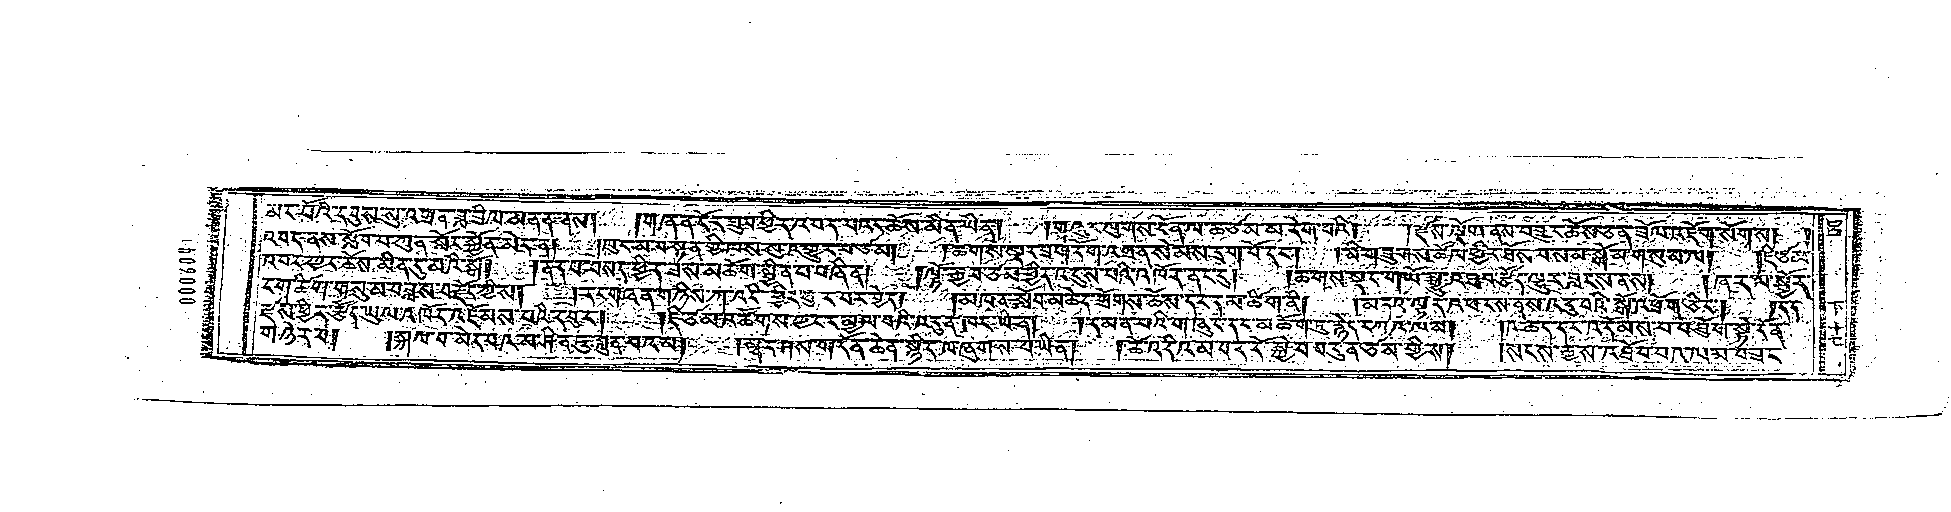མང་བོའི་དབུས་སུ་འགྲན་ཟླ་ཟིལ་མནན་ནས། །གཞན་དོར་གྲུབ་ཕྱིར་འབད་བའང་ཆོས་མིན་ཡིན། །གཞུང་ལུགས་དོན་ལ་ཆ་ཙམ་མ་རེག་པའི། །རྫས་ལྡོག་ནས་བཟུང་ཆོས་ཅན་ཟོལ་འཇོག་སོགས། །
འབད་ནས་སློབ་པ་ཀུན་སློང་སྐྱོན་མེད་ན། །ལུང་མ་བསྟན་གྱི་ལས་སུ་འགྱུར་བ་ཙམ། །ཆགས་སྡང་ཕྲག་དོག་འགྲན་སེམས་དྲག་པོ་དང་། །མི་གཟུགས་ཚོལ་ཕྱིར་ཐོས་བསམ་སྒོམ་གསུམ་ལ། །ཇི་ཙམ་
འབད་ཀྱང་ཆོས་མིན་དུ་མའི་སྒོ། །ནད་པ་བསད་ཕྱིར་ཟས་མཆོག་སྦྱིན་པ་བཞིན། །ལྟོ་རྒྱབ་ཙམ་ཕྱིར་འདུས་པའི་འཁོར་ནང་དུ། །ཆགས་སྡང་གཡོ་སྒྱུ་འཐབ་རྩོད་ལྷུར་བླངས་ནས། །ཞ་ར་ལ་སྦྱོར་
ངག་ཚིག་གསུམ་བཟླས་བརྗོད་ཀྱིས། །རང་གཞན་གཉིས་ཀ་འདི་ཕྱིར་ཕུང་བར་བྱེད། །མཁན་སློབ་མཆེད་གྲོགས་ཆོས་དང་དམ་ཚིག་ནི། །མདའ་ལྟར་འཕངས་ནས་འདུ་བའི་སྒོ་འཕྲོག་ཅིང་། །དང་
རྫས་ཕྱིར་རྩོད་ཡུལ་འཁོར་འཇོམས་པའི་དཔུང་། །ཇི་ཙམ་འཚོགས་ཀྱང་དམྱལ་བའི་འདུན་ཁང་ཡིན། །དམན་པའི་གཞུང་དང་མཆོག་ཏུ་རྙེད་དཀའ་ལམ། །འཆད་དང་འདོམས་པ་བ་ཐུག་སྟེ་དོན་
གཉེར་བ། །སྐལ་བ་མེད་བའམ་ཤིན་ཏུ་བླུན་བའམ། །སྣང་ཤས་གདོན་ཆེན་སྙིང་ལ་ཞུགས་བ་ཡིན། །ཚེ་འདིའམ་བར་དོ་སྐྱེ་བ་བདུན་ཙམ་གྱིས། །སངས་རྒྱས་འཐོབ་པའི་ལམ་བཟང་